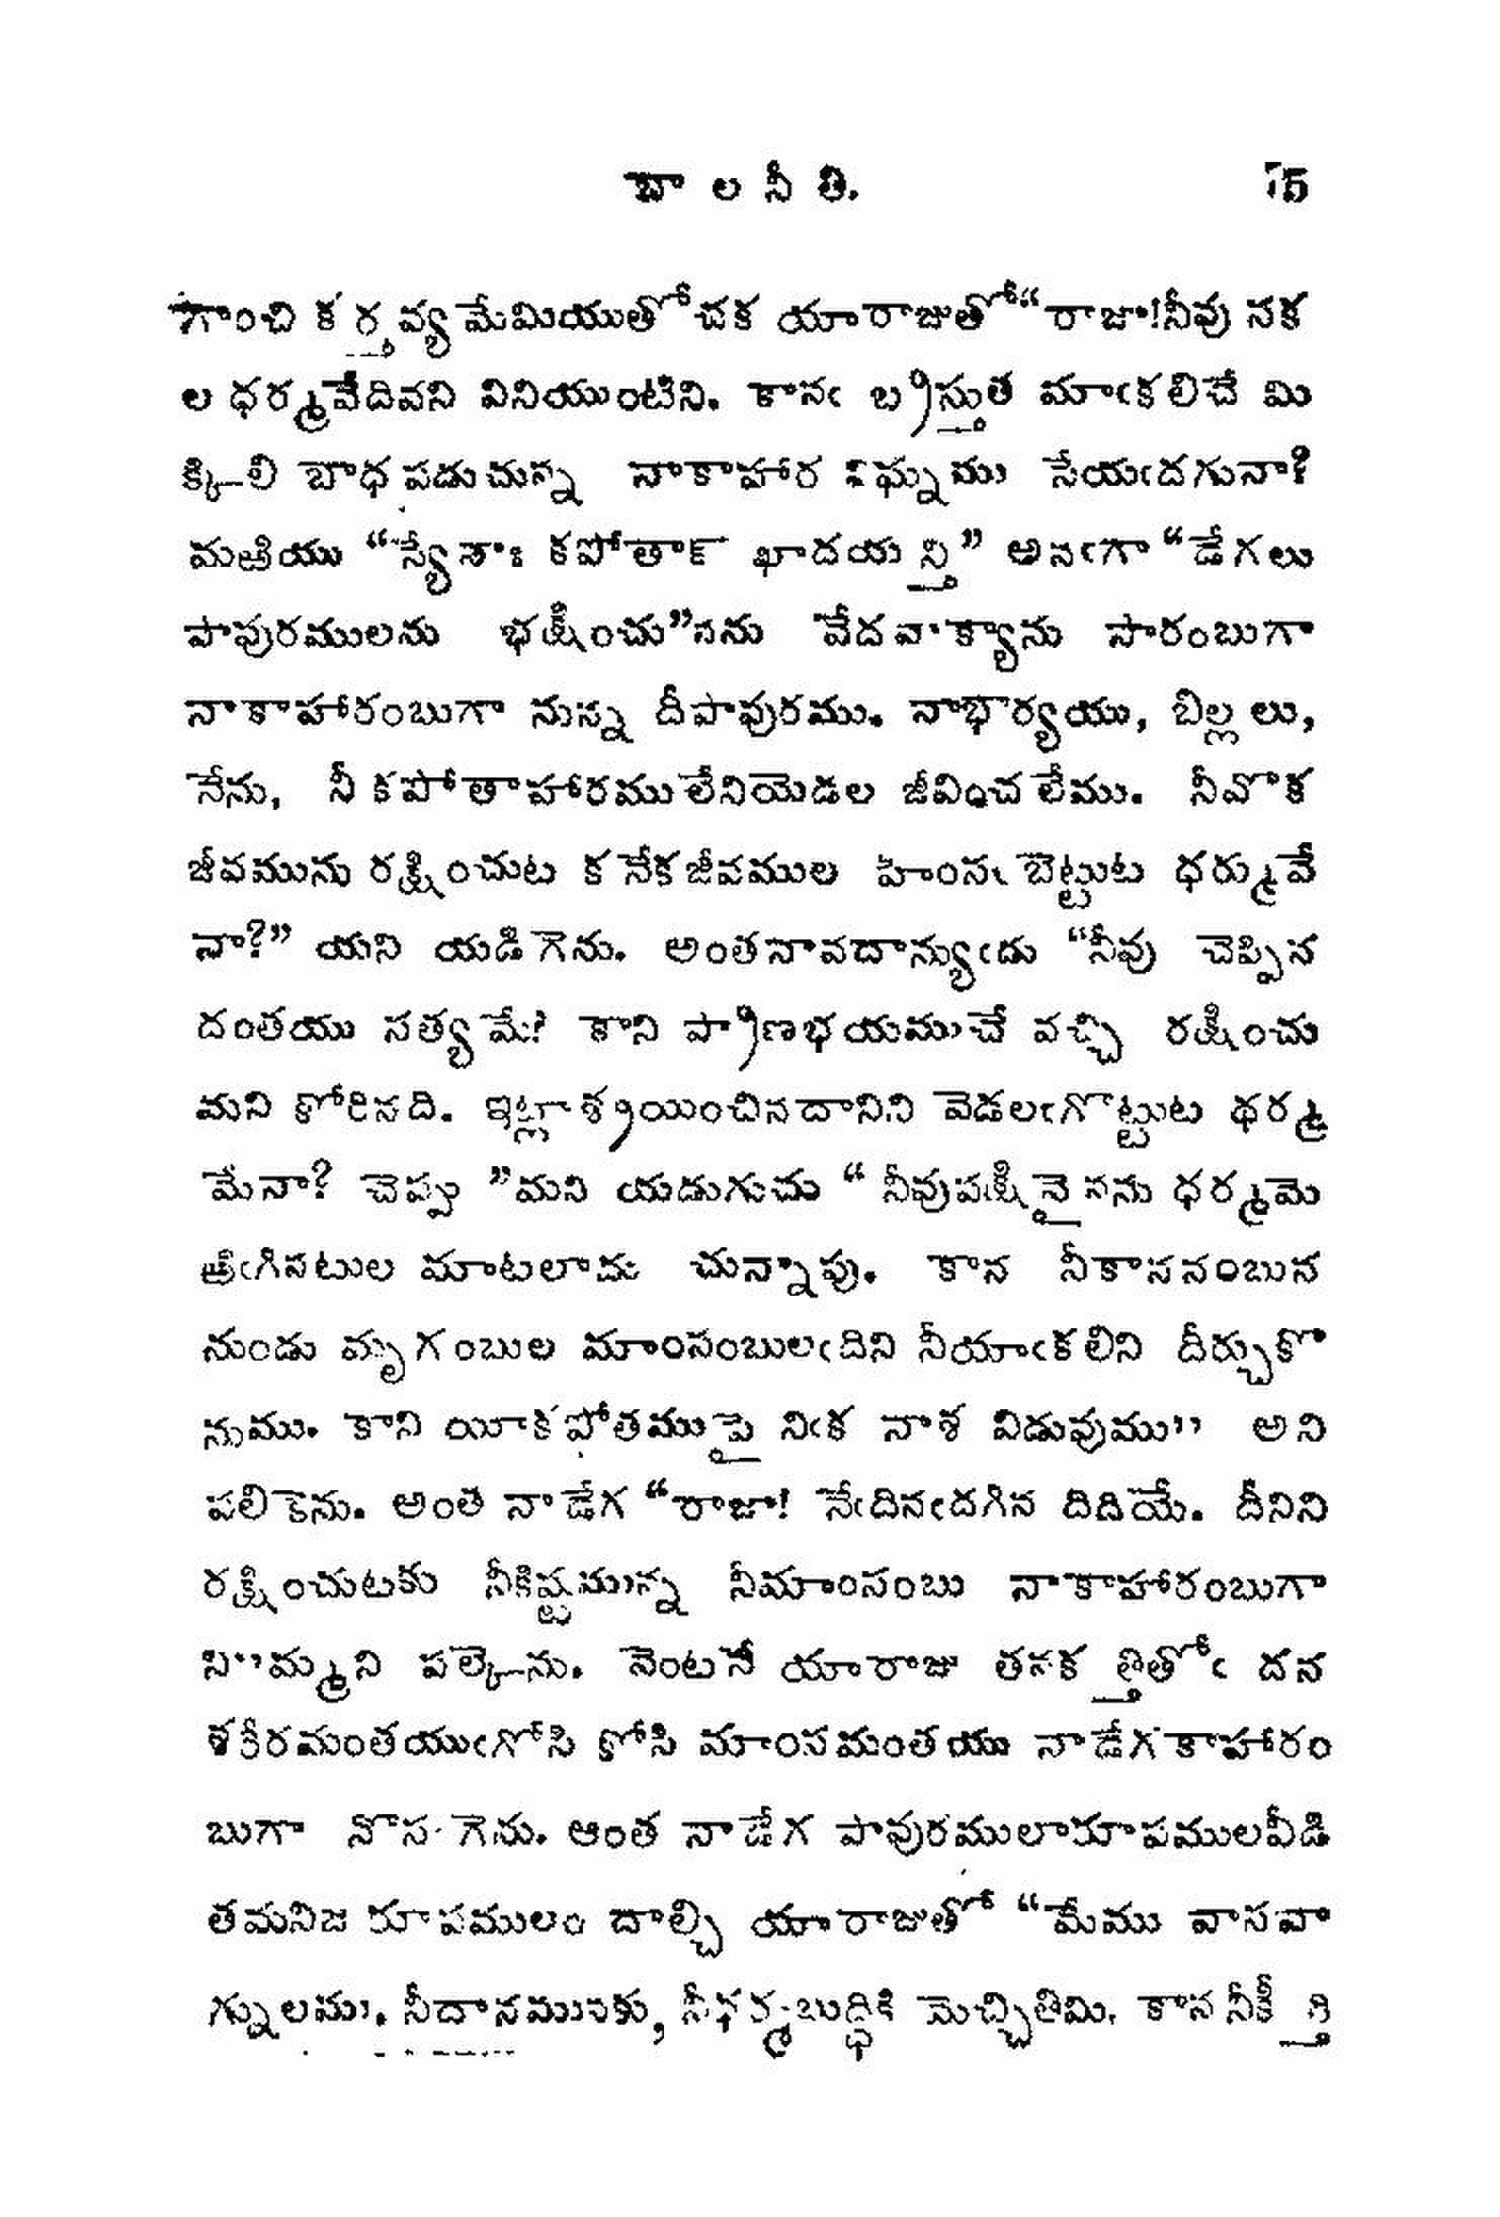గాంచి కర్తవ్యమేమియుతోచక యారాజుతో "రాజా! నీవు సక
ల ధర్మవేదివని వినియుంటిని. కానఁ బ్రస్తుత మాఁకలిచే మి
క్కిలి బాధపడుచున్న నాకాహార విఘ్నము సేయఁదగునా? 
మఱియు "స్యేనా, కపోతాన్ ఖాదయన్తి" అనఁగా " డేగలు 
పావురములను భక్షించు"నను వేదవాక్యాను సారంబుగా 
నాకాహారంబుగా నున్న దీపావురము. నాభార్యయు, బిల్లలు, 
నేను, నీకపోతాహారములేనియెడల జీవించలేము. నీవొక 
జీవమును రక్షించుట కనేకజీవముల హింసఁబెట్టుట ధర్మమే
నా?" యని యడిగను. అంతనావదాన్యుడు "నీవు చెప్పిన
దంతయు సత్యమే? కాని ప్రాణభయముచే వచ్చి రక్షించు
మని కోరినది. ఇట్లాశ్రయించినదానిని వెడలఁగొట్టుట దర్మ
మేనా? చెప్పు"మని యడుగుచు "నీవుపక్షివైనను దర్మమె
ఱిఁగినటుల మాటలాడు చున్నావు. కాన నీకాననంబున 
నుండు మృగంబుల మాంసంబులఁదిని నీయాఁకలిని దీర్చుకొ
నుము. కాని యీకపొతముపై నిఁక నాశ విడువుము" అని 
పలికెను. అంత నాడేగ "రాజా! నేఁదినఁదగిన దిదియే. దీనిని 
రక్షించుటకు నీకిష్టమున్న నీమాంసంబు నాకాహారంబుగా
ని"మ్మని పల్కెను. వెంటనే యారాజు తనకత్తితోఁ దన 
శరీరమంతయుఁగోసి కోసి మాంసమంతయు నాడేగకాహారం
బుగా నొసఁగెను. అంత నాడేగ పావురములారూపములవీడి 
తమనిజ రూపములం దాల్చి యారాజుతో "మేము వాసవా
గ్నులము. నీదానమునకు, నీధర్మబుద్దికి మెచ్చితిమి. కాననీకీర్తి